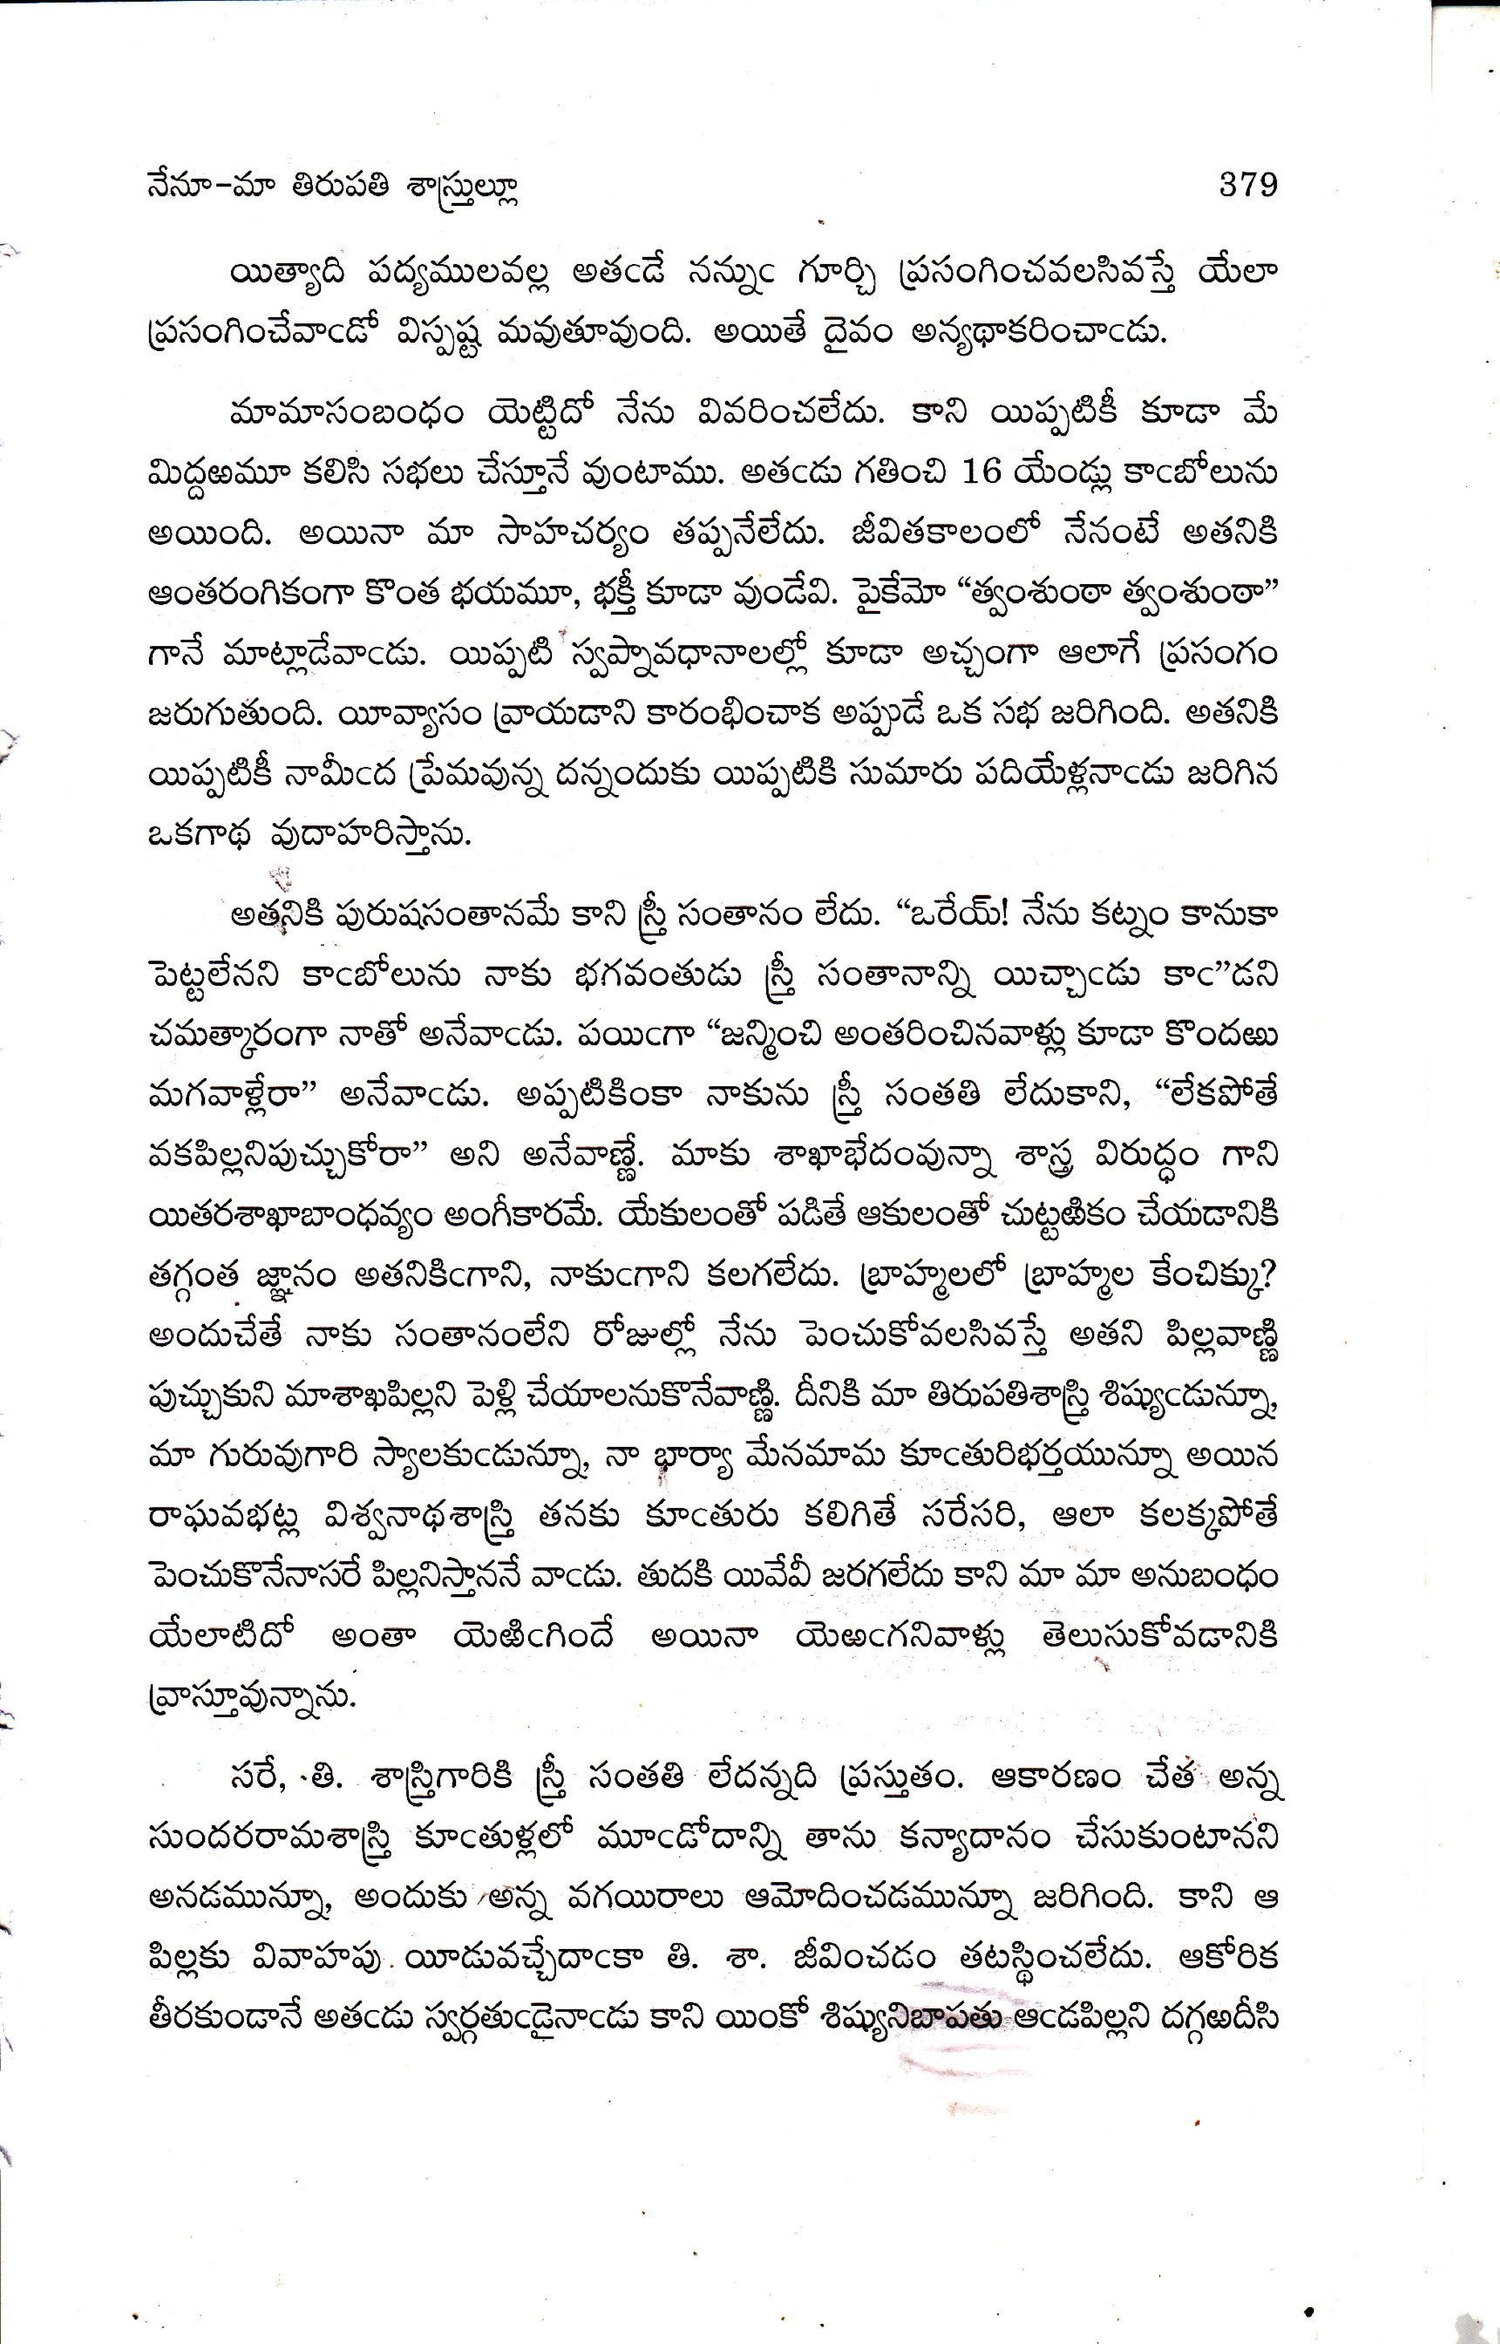యిత్యాది పద్యములవల్ల అతఁడే నన్నుఁ గూర్చి ప్రసంగించవలసివస్తే యేలా ప్రసంగించేవాఁడో విస్పష్ట మవుతూవుంది. అయితే దైవం అన్యథాకరించాఁడు.

మామాసంబంధం యెట్టిదో నేను వివరించలేదు. కాని యిప్పటికీ కూడా మే మిద్దఱమూ కలిసి సభలు చేస్తూనే వుంటాము. అతఁడు గతించి 16 యేండ్లు కాఁబోలును అయింది. అయినా మా సాహచర్యం తప్పనేలేదు. జీవితకాలంలో నేనంటే అతనికి ఆంతరంగికంగా కొంత భయమూ, భక్తీ కూడా వుండేవి. పైకేమో “త్వంశుంఠా త్వంశుంఠా" గానే మాట్లాడేవాఁడు. యిప్పటి స్వప్నావధానాలల్లో కూడా అచ్చంగా ఆలాగే ప్రసంగం జరుగుతుంది. యీవ్యాసం వ్రాయడాని కారంభించాక అప్పుడే ఒక సభ జరిగింది. అతనికి యిప్పటికీ నామీఁద ప్రేమవున్నదన్నందుకు యిప్పటికి సుమారు పదియేళ్లనాఁడు జరిగిన ఒకగాథ వుదాహరిస్తాను.

అతనికి పురుషసంతానమే కాని స్త్రీ సంతానం లేదు. "ఒరేయ్! నేను కట్నం కానుకా పెట్టలేనని కాఁబోలును నాకు భగవంతుడు స్త్రీ సంతానాన్ని యిచ్చాఁడు కాఁ"డని చమత్కారంగా నాతో అనేవాఁడు. పయిఁగా “జన్మించి అంతరించినవాళ్లు కూడా కొందఱు మగవాళ్లేరా" అనేవాఁడు. అప్పటికింకా నాకును స్త్రీ సంతతి లేదుకాని, "లేకపోతే వకపిల్లనిపుచ్చుకోరా" అని అనేవాణ్ణి. మాకు శాఖాభేదంవున్నా శాస్త్ర విరుద్ధం గాని యితరశాఖాబాంధవ్యం అంగీకారమే. యేకులంతో పడితే ఆకులంతో చుట్టఱికం చేయడానికి తగ్గంత జ్ఞానం అతనికిఁగాని, నాకుఁగాని కలగలేదు. బ్రాహ్మలలో బ్రాహ్మల కేంచిక్కు? అందుచేతే నాకు సంతానంలేని రోజుల్లో నేను పెంచుకోవలసివస్తే అతని పిల్లవాణ్ణి పుచ్చుకుని మాశాఖపిల్లని పెళ్లి చేయాలనుకొనేవాణ్ణి. దీనికి మా తిరుపతిశాస్త్రి శిష్యుఁడున్నూ మా గురువుగారి స్యాలకుఁడున్నూ నా భార్యా మేనమామ కూఁతురిభర్తయున్నూ అయిన రాఘవభట్ల విశ్వనాథశాస్త్రి తనకు కూఁతురు కలిగితే సరేసరి, ఆలా కలక్కపోతే పెంచుకొనేనాసరే పిల్లనిస్తాననే వాఁడు. తుదకి యివేవీ జరగలేదు కాని మా మా అనుబంధం యేలాటిదో అంతా యెఱిఁగిందే అయినా యెఱఁగనివాళ్లు తెలుసుకోవడానికి వ్రాసూవున్నాను.

సరే, తి. శాస్త్రిగారికి స్త్రీ సంతతి లేదన్నది ప్రస్తుతం. ఆకారణం చేత అన్న సుందరరామశాస్త్రి కూఁతుళ్లలో మూఁడోదాన్ని తాను కన్యాదానం చేసుకుంటానని అనడమున్నూ అందుకు అన్న వగయిరాలు ఆమోదించడమున్నూ జరిగింది. కాని ఆ పిల్లకు వివాహపు. యీడువచ్చేదాఁకా తి. శా. జీవించడం తటస్థించలేదు. ఆకోరిక తీరకుండానే అతఁడు స్వర్గతుఁడైనాఁడు కాని యింకో శిష్యునిబాపతు ఆఁడపిల్లని దగ్గఱదీసి